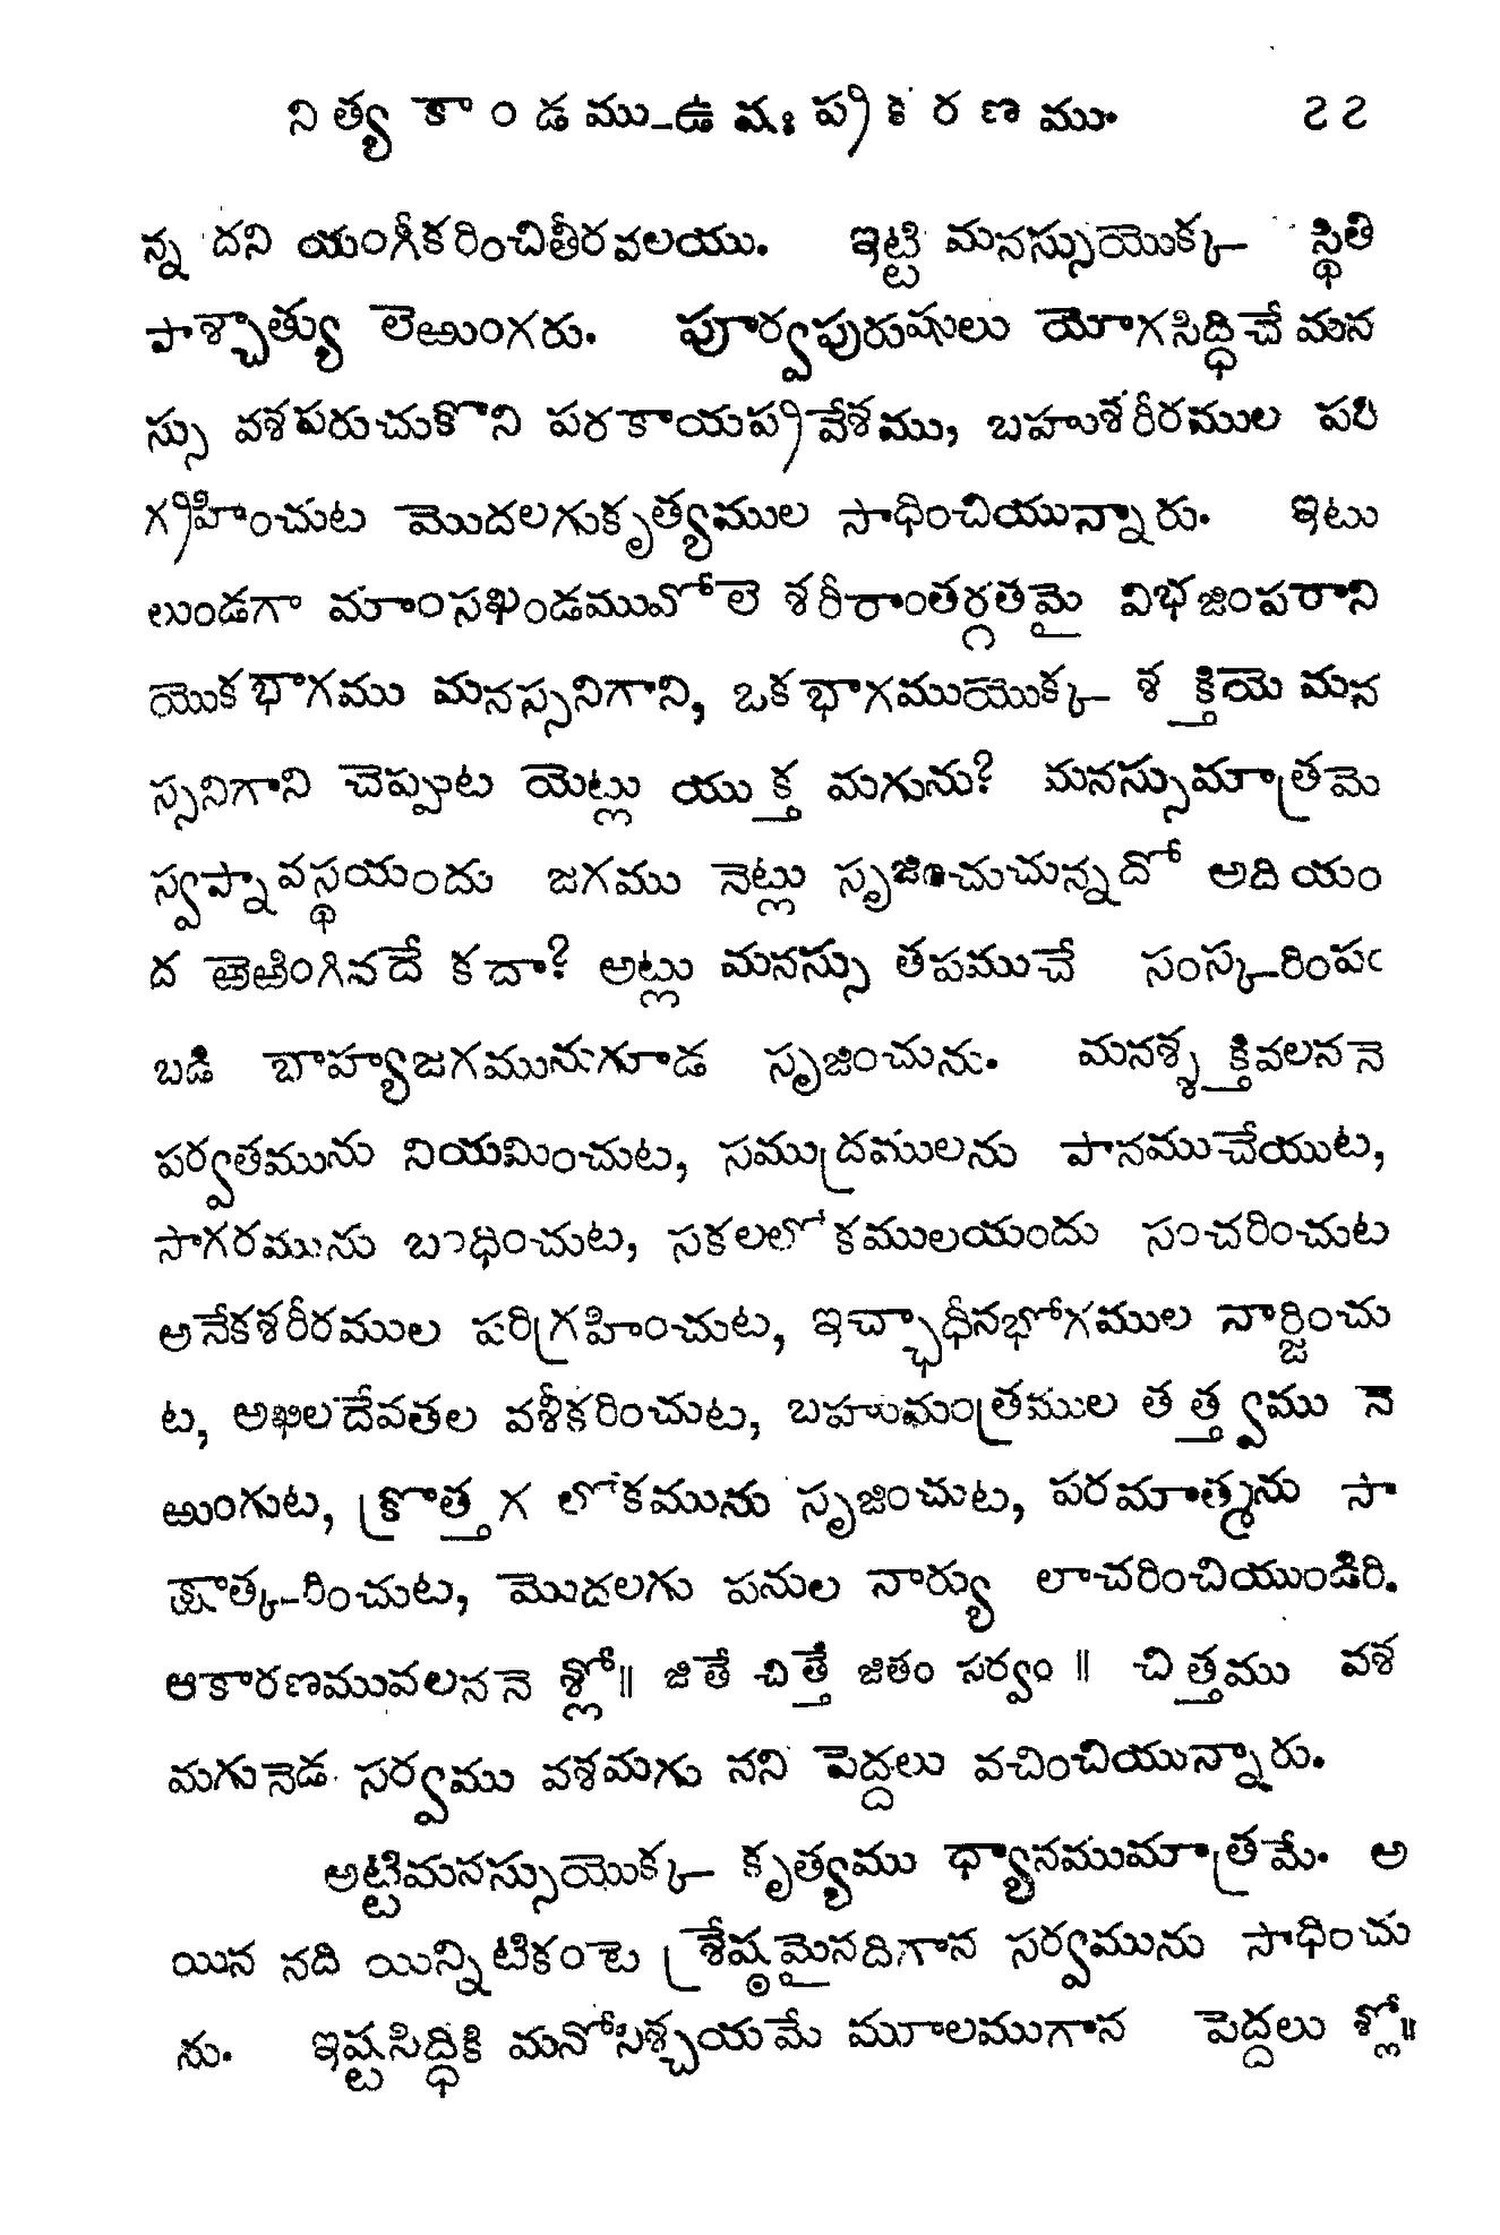న్న దని యంగీకరించితీరవలయు. ఇట్టి మనస్సుయొక్క స్థితి పాశ్చాత్యు లెఱుంగరు. పూర్వపురుషులు యోగసిద్ధిచే మనస్సు వశపరుచుకొని పరకాయప్రవేశము, బహుశరీరముల పరిగ్రహించుట మొదలగుకృత్యముల సాధించియున్నారు. ఇటులుండగా మాంసఖండమువోలె శరీరాంతర్గతమై విభజింపరాని యొకభాగము మనస్సనిగాని, ఒకభాగముయొక్క శక్తియె మనస్సనిగాని చెప్పుట యెట్లు యుక్త మగును? మనస్సుమాత్రమె
స్వప్నావస్థయందు జగము నెట్లు సృజించుచున్నదో అదియంద ఱెఱింగినదే కదా? అట్లు మనస్సు తపముచే సంస్కరింపఁబడి బాహ్యజగమునుగూడ సృజించును. మనశ్శక్తివలననె పర్వతమును నియమించుట, సముద్రములను పానముచేయుట, సాగరమును బంధించుట, సకలలోకములయందు సంచరించుట
అనేకశరీరముల పరిగ్రహించుట, ఇచ్ఛాధీనభోగముల నార్జించుట, అఖిలదేవతల వశీకరించుట, బహుమంత్రముల తత్త్వము నెఱుంగుట, క్రొత్తగ లోకమును సృజించుట, పరమాత్మను సాక్షాత్కరించుట, మొదలగు పనుల నార్యు లాచరించియుండిరి. ఆకారణమువలననె శ్లో॥ జితే చిత్తే జితం సర్వం ॥ చిత్తము వశమగునెడ. సర్వము వశమగు నని పెద్దలు వచించియున్నారు.

అట్టిమనస్సుయొక్క కృత్యము ధ్యానముమాత్రమే. అయిన నది యిన్నిటికంటె శ్రేష్ఠమైనదిగాన సర్వమును సాధించును. ఇష్టసిద్ధికి మనోనిశ్చయమే మూలముగాన పెద్దలు శ్లో॥